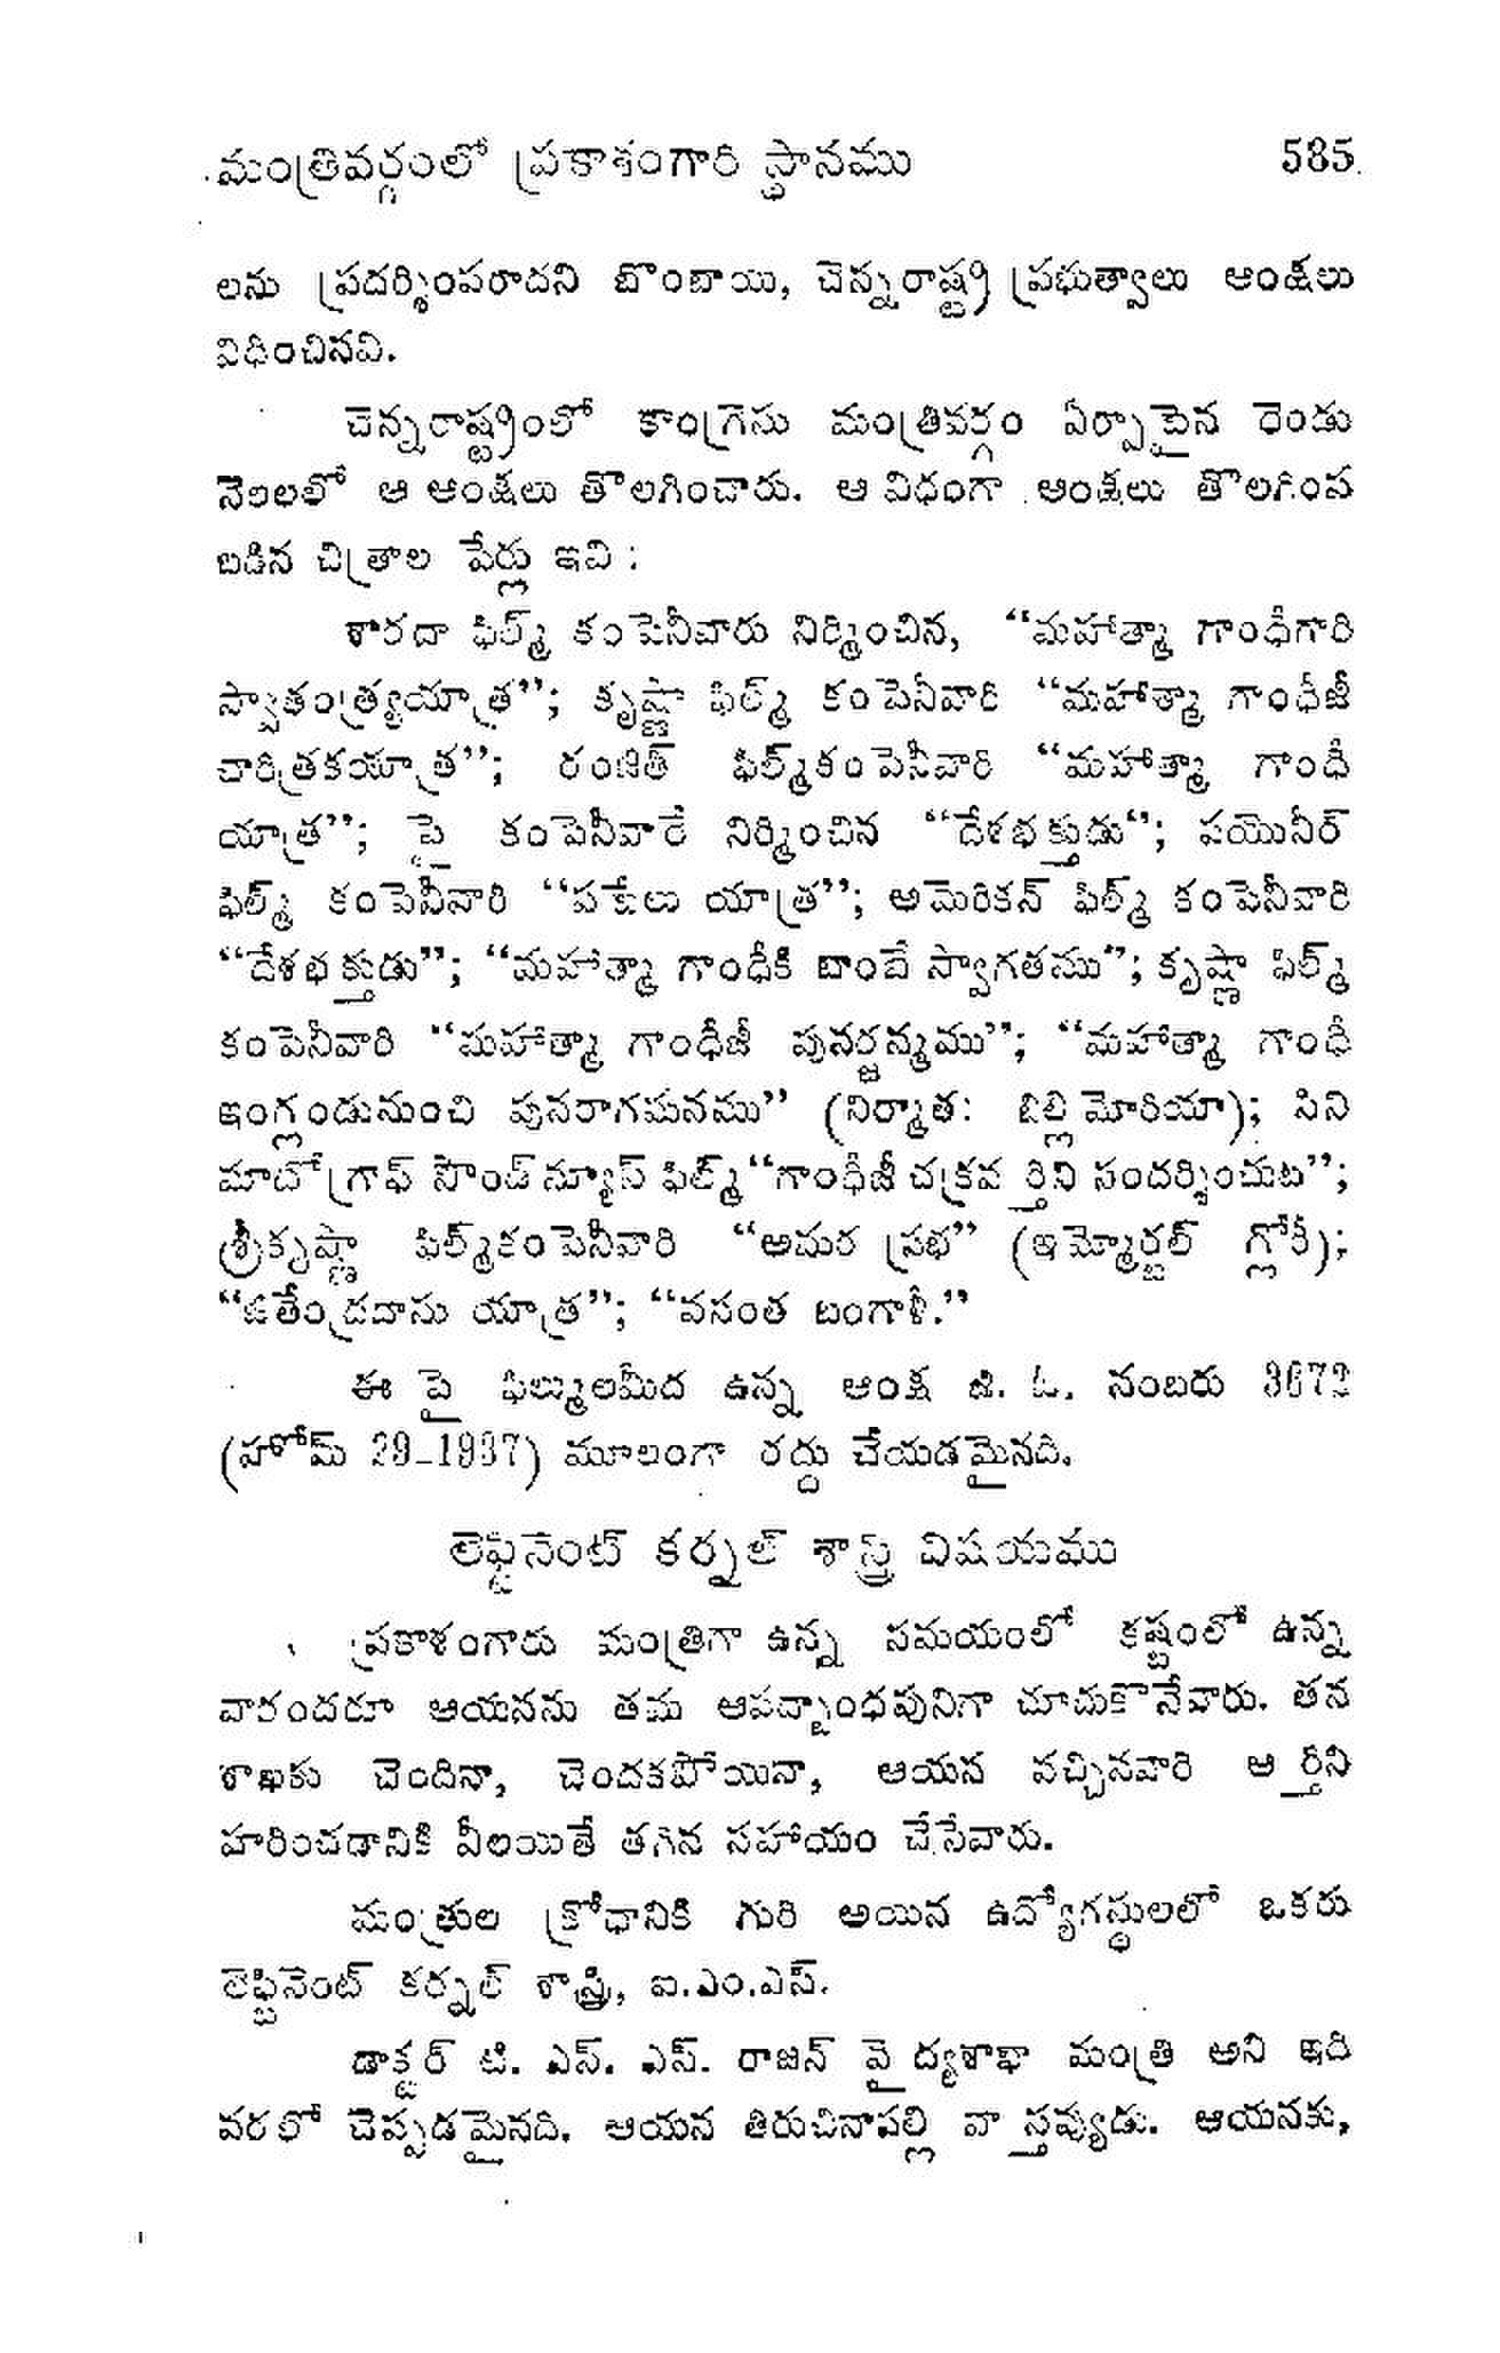లను ప్రదర్శింపరాదని బొంబాయి, చెన్నరాష్ట్ర ప్రభుత్వాలు ఆంక్షలు విధించినవి.

చెన్నరాష్ట్రంలో కాంగ్రెసు మంత్రివర్గం ఏర్పాటైన రెండు నెలలలో ఆ ఆంక్షలు తొలగించారు. ఆ విధంగా ఆంక్షలు తొలగింపబడిన చిత్రాల పేర్లు ఇవి:

శారదా ఫిల్మ్ కంపెనీవారు నిర్మించిన, "మహాత్మా గాంధీగారి స్వాతంత్ర్యయాత్ర"; కృష్ణా ఫిల్మ్ కంపెనీవారి "మహాత్మా గాంధీజీ చారిత్రకయాత్ర"; రంజిత్ ఫిల్మ్‌ కంపెనీవారి "మహాత్మా గాంధీ యాత్ర"; పై కంపెనీవారే నిర్మించిన "దేశభక్తుడు"; పయొనీర్ ఫిల్మ్ కంపెనీవారి "పటేలు యాత్ర"; అమెరికన్ ఫిల్మ్ కంపెనీవారి "దేశభక్తుడు; "మహాత్మా గాంధీకి బాంబే స్వాగతము"; కృష్ణా ఫిల్మ్ కంపెనీవారి "మహాత్మా గాంధీజీ పునర్జన్మము"; "మహాత్మా గాంధీ ఇంగ్లండునుంచి పునరాగమనము" (నిర్మాత: బిల్లి మోరియా); సినిమాటోగ్రాఫ్ సౌండ్ న్యూస్ ఫిల్మ్"గాంధీజీ చక్రవర్తిని సందర్శించుట"; శ్రీకృష్ణా ఫిల్మ్‌కంపెనీ వారి "అమర ప్రభ" (ఇమ్మోర్టల్ గ్లోరీ)' "జితేంద్రదాసు యాత్ర"; "వసంత బంగాళీ."

ఈ పై ఫిల్ములమీద ఉన్న ఆంక్ష జి. ఓ. నంబరు 3672 (హోమ్ 29 - 1937) మూలంగా రద్దు చేయడమైనది.

ప్రకాశంగారు మంత్రిగా ఉన్న సమయంలో కష్టంలో ఉన్న వారందరూ ఆయనను తమ ఆపద్బాంధవునిగా చూచుకొనేవారు. తన శాఖకు చెందినా, చెందక పోయినా, ఆయన వచ్చినవారి ఆర్తిని హరించడానికి వీలయితే తగిన సహాయం చేసేవారు.

మంత్రుల క్రోధానికి గురి అయిన ఉద్యోగస్థులలో ఒకరు లెప్టినెంట్ కర్నల్ శాస్త్రి, ఐ. ఎం. ఎస్.

డాక్టర్ టి. ఎస్. ఎస్. రాజన్ వైద్యశాఖా మంత్రి అని ఇదివరలో చెప్పడమైనది. ఆయన తిరుచినాపల్లి వాస్తవ్యుడు. ఆయనకు,